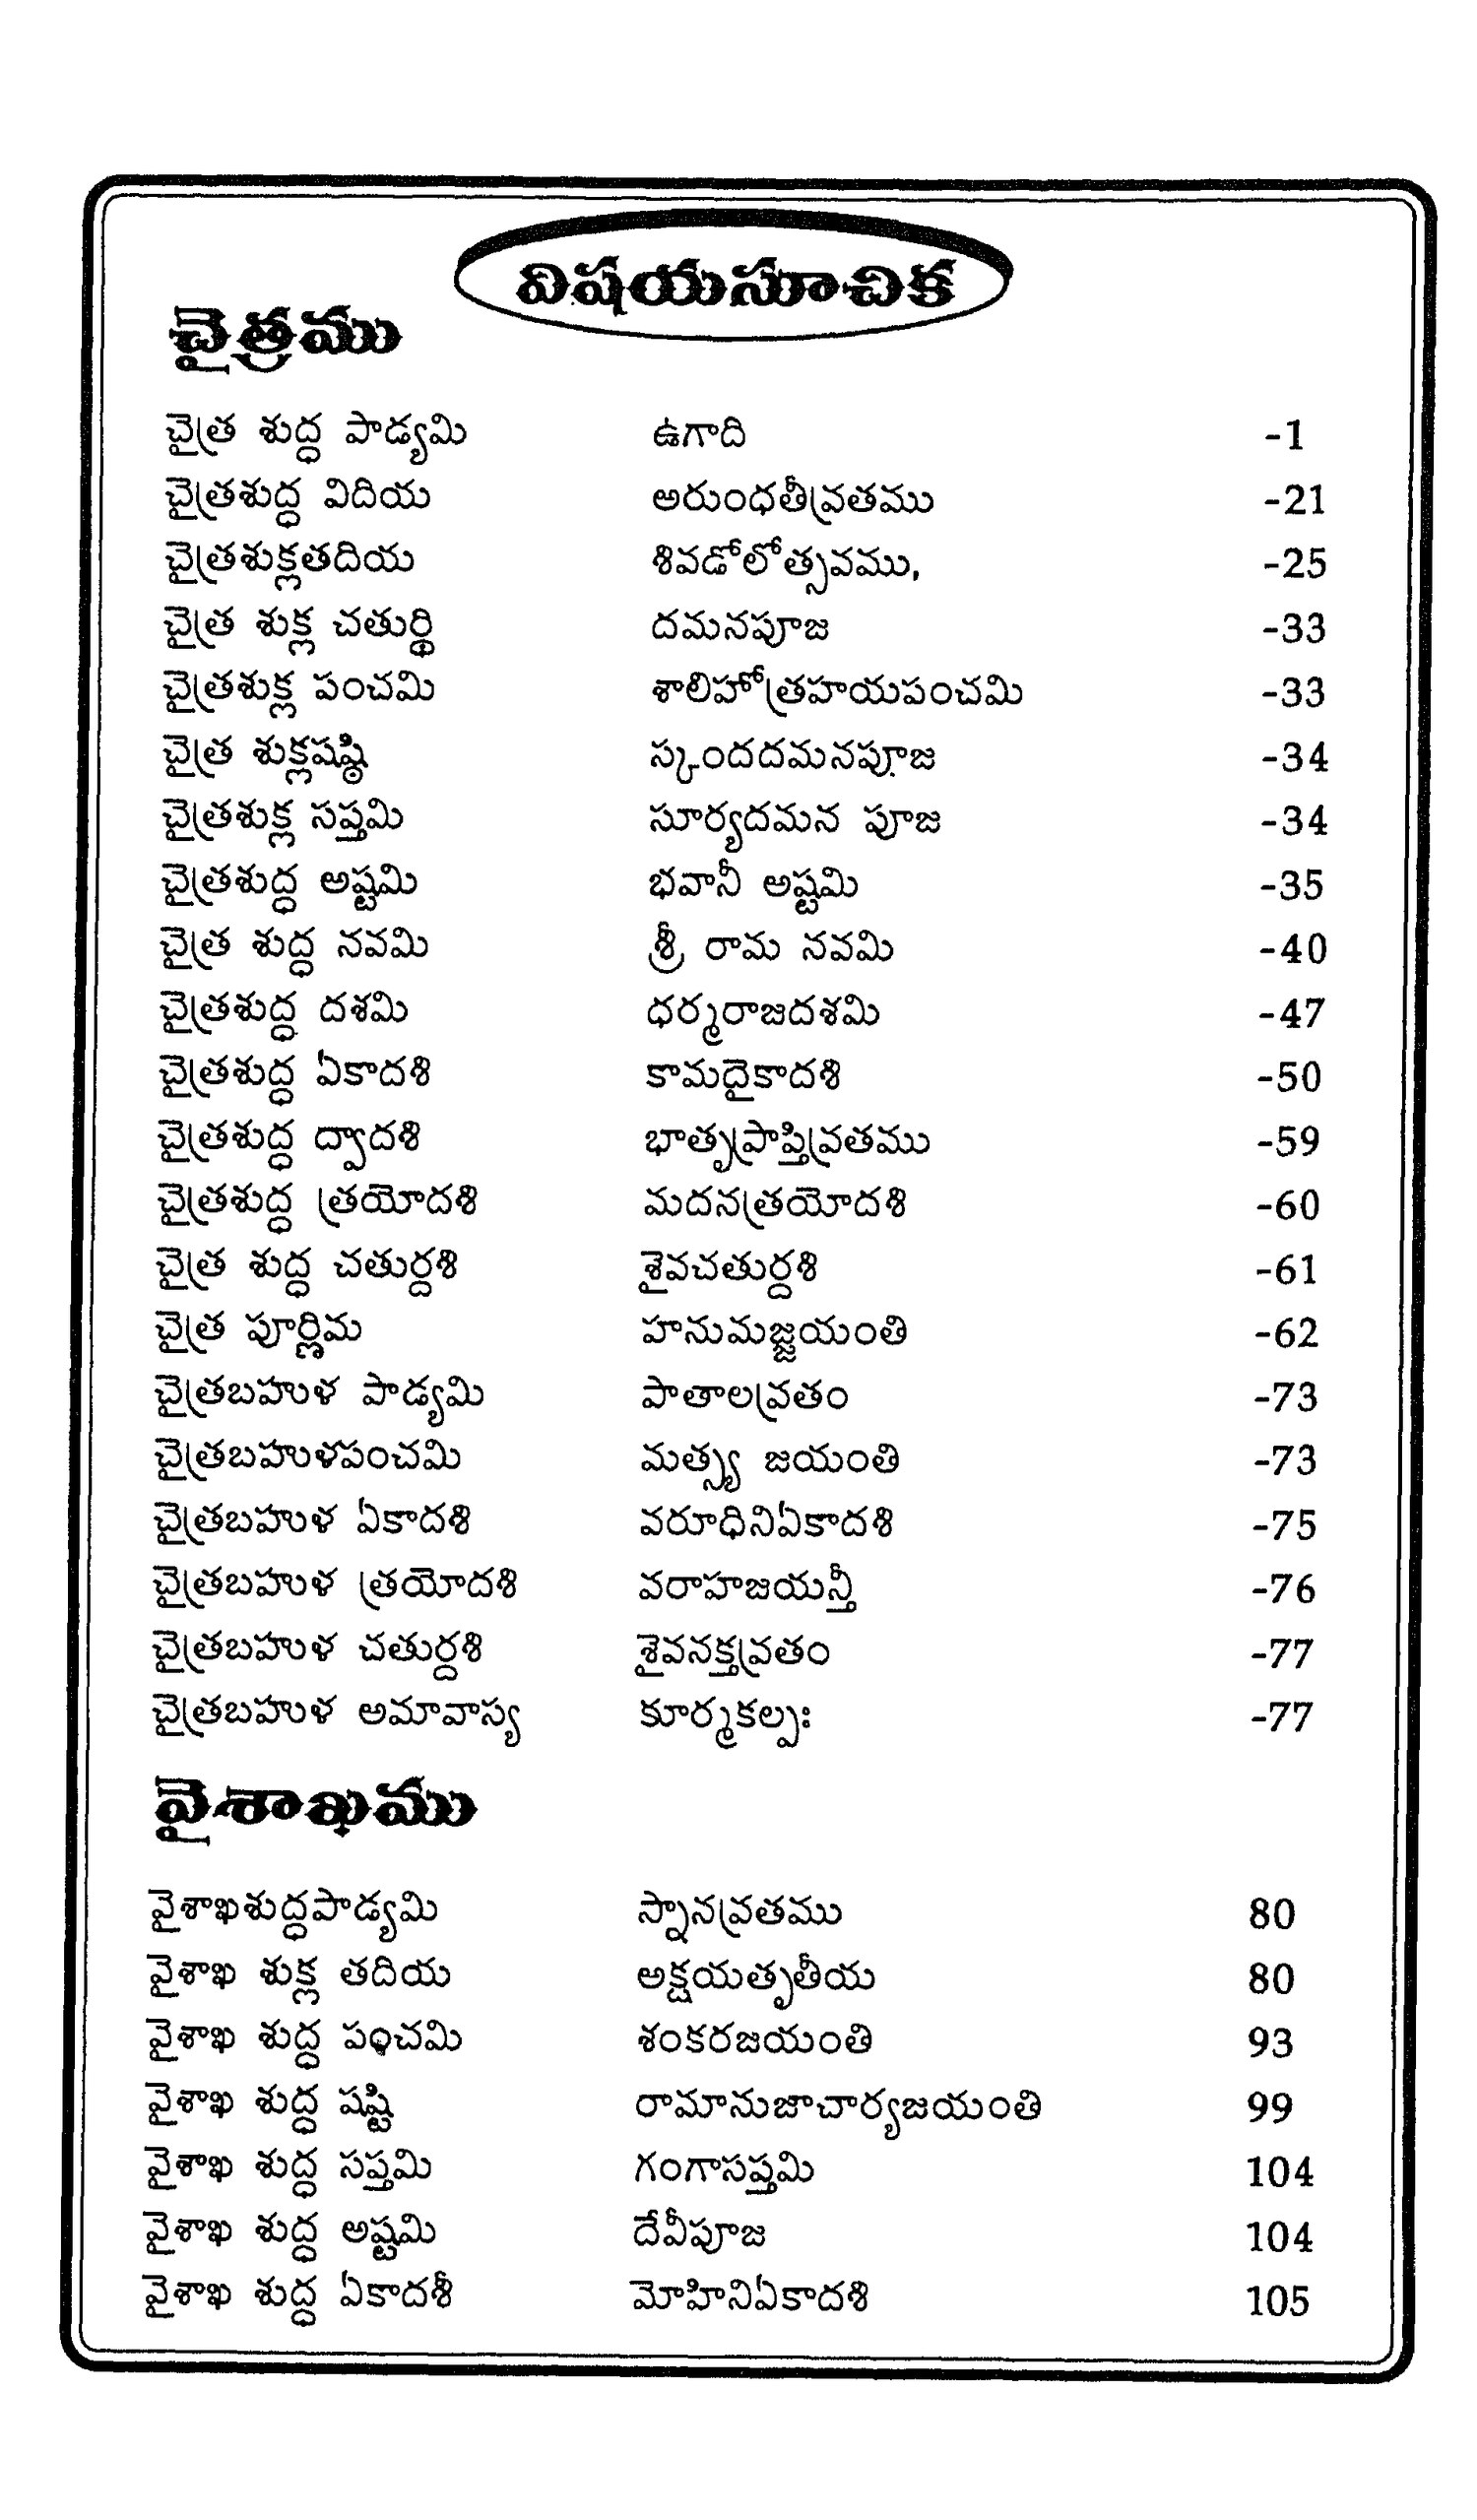విషయసూచిక

చైత్రము

చైత్ర శుద్ధ పాడ్యమి ఉగాది

చైత్ర శుద్ధ విదియ అరుంధతీ వ్రతము

చైత్ర శుక్ల తదియ శివ డోలోత్సవము

చైత్ర శుక్ల చతుర్థి దమనపూజ

చైత్ర శుక్ల పంచమి శాలిగోత్రహయ పంచమి

చైత్ర శుక్ల షష్ఠి స్కంద దమనపూజ

చైత్ర శుక్ల సప్తమి సూర్య దమనపూజ

చైత్ర శుద్ధ అష్టమి భవానీ అష్టమి

చైత్ర శుద్ధ నవమి శ్రీ రామ నవమి

చైత్ర శుద్ధ దశమి ధర్మరాజ దశమి

చైత్ర శుద్ధ ఏకాదశి కామదైకాదశి

చైత్ర శుద్ధ ద్వాదశి భాతృప్రాప్తి వ్రతము

చైత్ర శుద్ధ త్రయోదశి మదన త్రయోదశి

చైత్ర శుద్ధ చతుర్దశి శైవ చతుర్దశి

చైత్ర పూర్ణిమ హనుమజ్జయంతి

చైత్ర బహుళ పాడ్యమి పాతాల వ్రతం

చైత్ర బహుళ పంచమి మత్స్య జయంతి

చైత్ర బహుళ ఏకాదశి వరూధిని ఏకాదశి

చైత్ర బహుళ త్రయోదశి వరాహ జయంతి

చైత్ర బహుళ చతుర్దశి శైవనక్త వ్రతం

చైత్ర బహుళ అమావాస్య కూర్మకల్పః

వైశాఖము

వైశాఖ శుద్ధ పాడ్యమి స్నానవ్రతము

వైశాఖ శుక్ల తదియ అక్షయ తృతీయ

వైశాఖ శుద్ధ పంచమి శంకర జయంతి

వైశాఖ శుద్ధ షష్టి రామానుజాచార్య జయంతి

వైశాఖ శుద్ధ సప్తమి గంగా సప్తమి

వైశాఖ శుద్ధ అష్టమి దేవీ పూజ

వైశాఖ శుద్ధ ఏకాదశి మోహినీ ఏకాదశి